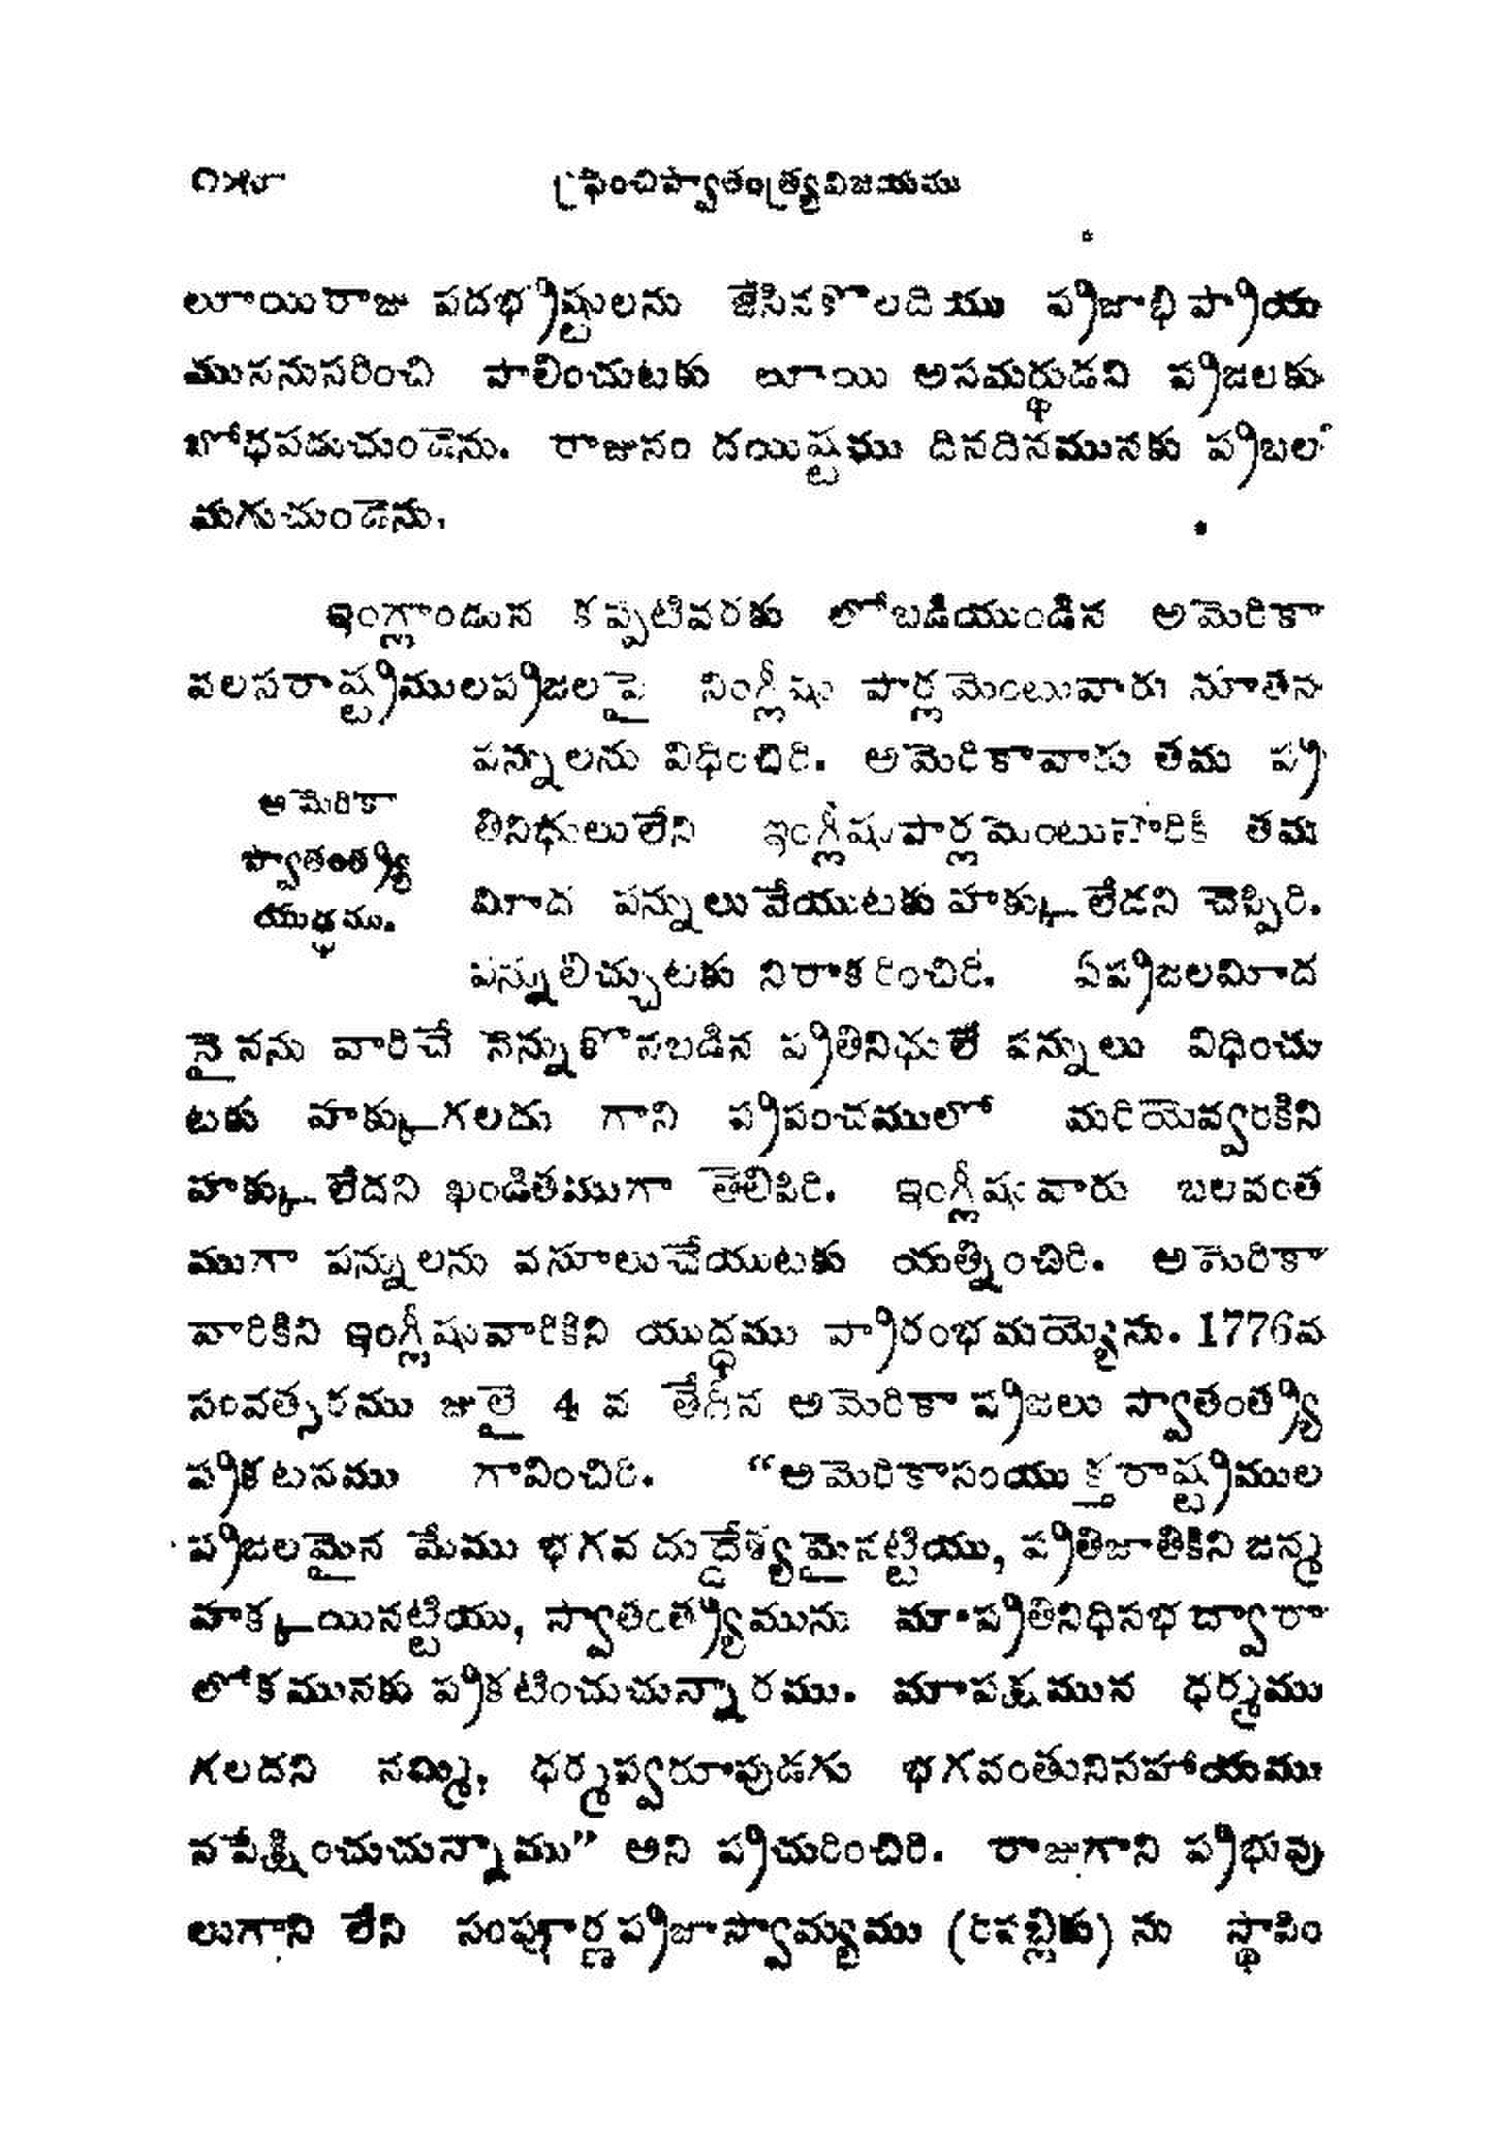లూయిరాజు పదభ్రష్టులను జేసిన కొలదియు ప్రజాభిప్రాయ
ముననుసరించి పాలించుటకు లూయి అసమర్థుడని ప్రజలకు
భోధపడుచుండెను. రాజునం దయిష్టము దినదినమునకు ప్రబల"
మగుచుండెను,

అమెరికా
స్వాతంత్ర
యుద్ధము.
ఇంగ్లాండున కప్పటివరకు లోబడియుండిన అమెరికా
పలసరాష్ట్రముల ప్రజలపై నింగ్లీష్ పార్ల మెంటు వారు నూతన
పన్నలను విధించిరి. అమెరికావారు తమ ప్రతినిధులు లేని
స్వాతంత్య ఇంగ్లీషు పార్లమెంటు వారికి తమ
మీద పన్నులు వేయుటకు హక్కు లేడదని చెప్పిరి.
పన్ను లిచ్చుటకు నిరాకరించిరి. ఏప్రజలమీద
నై నను వారిచే నెన్ను కొనబడిన ప్రతినిధులే పన్నలు విధించు
టకు హక్కుగలదు. గాని ప్రపంచములో మరియెవ్వరికిని
హక్కు లేదని ఖండితముగా తెలిపిరి. ఇంగ్లీష- వారు. బలవంత
ముగా పన్నులను వసూలు చేయుటకు యత్నించిరి. అమెరికా
వారికిని ఇంగ్లీషు వారికిని యుద్ధము ప్రారంభ మయ్యెను. 1776వ
సంవత్సరము జులై 4 వ తేదీన అమెరికా ప్రజలు స్వాతంత్య
ప్రకటనటనముగావించిరి."అమెరికా సంయుక్త రాష్ట్రముల
ప్రజలమైన మైన 'మేము భగవ దుద్దేశ్యమైనట్టియు, ప్రతిజాతికిని జన్మ
హక్కయినట్టియు, స్వాతంత్యమును మా ప్రతినిధిసభ ద్వారా
లోకమునకు ప్రకటించుచున్నారము, మాపక్షమున ధర్మము
గలదని నమ్మి, ధర్మస్వరూపుడగు భగవంతునిసహాయము
న పేక్షించుచున్నాము” అని ప్రచురించిరి. రాజుగానీ ప్రభువు
లుగాని లేని సంపూర్ణ ప్రజాస్వామ్యము (రిపబ్లిక) ను స్థాపిం